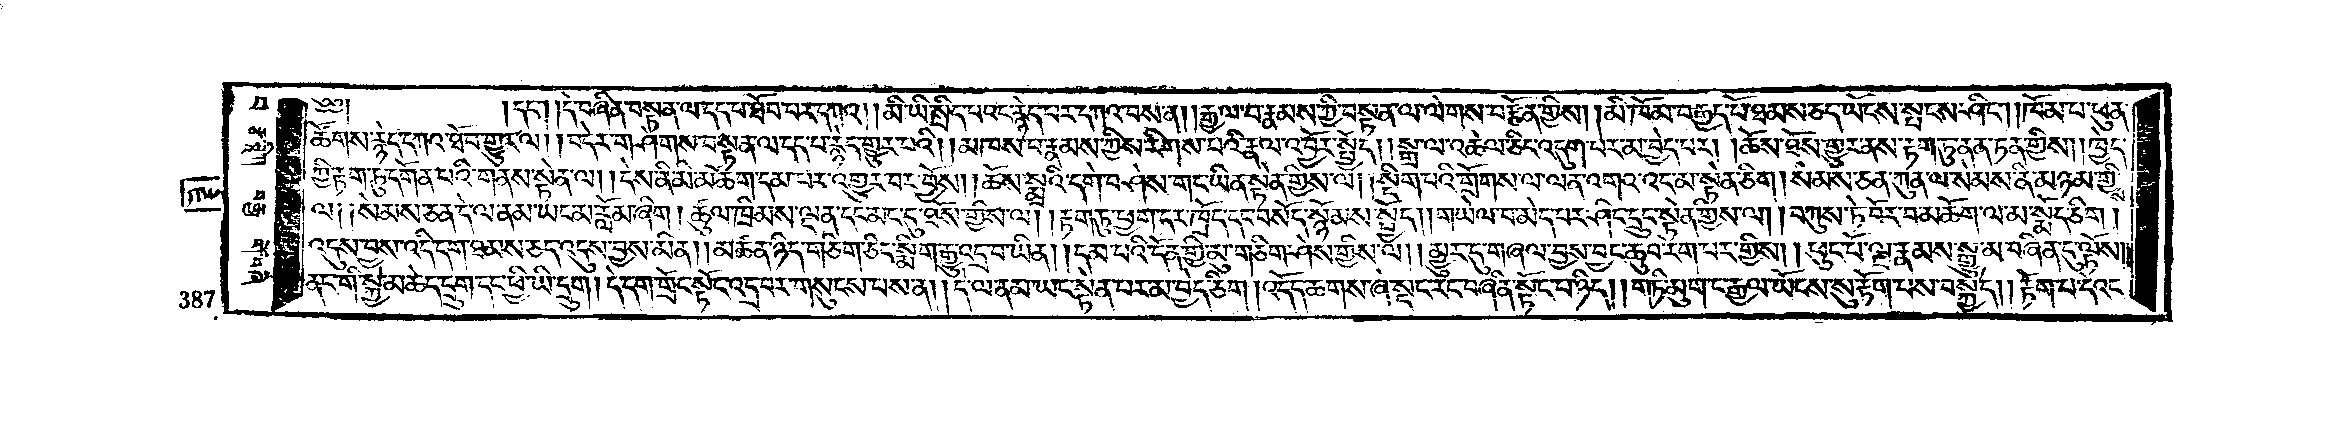༄༅། །དང་། །དེ་བཞིན་བསྟན་ལ་དད་པ་ཐོབ་པར་དཀའ། །མི་ཡི་སྲིད་པའང་རྙེད་པར་དཀའ་བས་ན། །རྒྱལ་བ་རྣམས་ཀྱི་བསྟན་ལ་ལེགས་བརྩོན་གྱིས། །མི་ཁོམ་བརྒྱད་པོ་ཐམས་ཅད་ཡོངས་སྤངས་ཤིང་། །ཁོམ་པ་ཕུན་
ཚོགས་རྙེད་དཀའ་ཐོབ་གྱུར་ལ། །བདེར་གཤེགས་བསྟན་ལ་དད་པ་རྙེད་གྱུར་པའི། །མཁས་པ་རྣམས་ཀྱིས་རིགས་པའི་རྣལ་འབྱོར་སྤྱོད། །སྒྲ་ལ་འཆེལ་ཅིང་འདུག་པར་མ་བྱེད་པར། །ཆོས་ཐོས་གྱུར་ནས་རྟག་ཏུ་ནན་ཏན་གྱིས། །ཁྱེད་
ཀྱི་རྟག་ཏུ་དགོན་པའི་གནས་སྟོན་ལ། །དེས་ནི་མི་མཆོག་དམ་པར་འགྱུར་བར་བྱོས། །ཆོས་སྨྲའི་དགེ་བཤེས་གང་ཡིན་སྟོན་གྱིས་ལ། །སྡིག་པའི་གྲོགས་ལ་ལན་འགའ་འང་མ་སྟེན་ཅིག །སེམས་ཅན་ཀུན་ལ་སེམས་ནི་མཉམ་གྱིས་
ལ༑ ༑སེམས་ཅན་དེ་ལ་ནམ་ཡང་མ་རློམ་ཞིག །ཚུལ་ཁྲིམས་ལྡན་དང་མང་དུ་ཐོས་གྱིས་ལ། །རྟག་ཏུ་ཕྱག་དར་ཁྲོད་དང་བསོད་སྙོམས་སྤྱོད། །གཡེལ་བ་མེད་པར་ཤིང་དྲུང་སྟེན་གྱིས་ལ། །བཀུས་ཏེ་བོར་བ་མཆོག་ལ་མ་སྨོད་ཅིག །
འདུས་བྱས་འདི་དག་ཐམས་ཅད་འདུས་བྱས་མིན། །མཚན་ཉིད་གཅིག་ཅིང་སྨིག་རྒྱུ་འདྲ་བ་ཡིན། །དམ་པའི་དོན་གྱི་མུ་གཅིག་ཤེས་གྱིས་ལ། །མྱུར་དུ་གཞལ་བྱས་བྱང་ཆུབ་རེག་པར་གྱིས། །ཕུང་པོ་ལྔ་རྣམས་སྒྱུ་མ་བཞིན་དུ་ལྟོས།།
ནང་གི་སྐྱེ་མཆེད་དྲུག་དང་ཕྱི་ཡི་དྲུག །དེ་དག་གྲོང་སྟོང་འདྲ་བར་གསུངས་པས་ན། །དེ་ལ་ནམ་ཡང་སྟེན་པར་མ་བྱེད་ཅིག །འདོད་ཆགས་ཞེ་སྡང་རང་བཞིན་སྟོང་པ་ཉིད། །གཏི་མུག་ང་རྒྱལ་ཡོངས་སུ་རྟོག་པས་བསྐྱེད། །རྟོག་པ་དེའང་